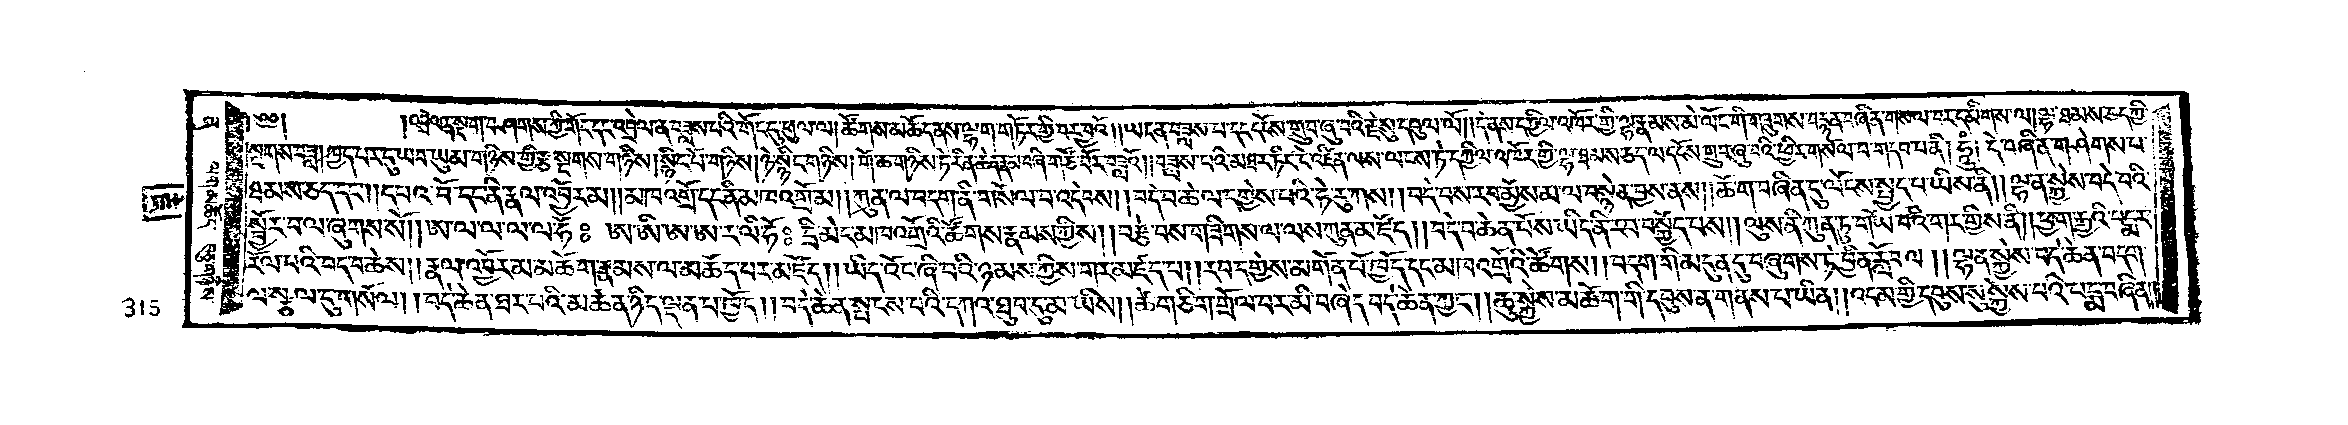༄༅། །འབྲེལ་ན་སྡིག་བཤགས་ཀྱི་གོང་དང་འབྲེལ་ན་བཟླས་པའི་གོང་དུ་ཕུལ་ལ། ཚོགས་མཆོད་ནས་ལྷག་གཏོར་གྱི་བར་བྱའོ། །ཡང་ན་བཟླས་པ་དང་དངོས་གྲུབ་ཞུ་བའི་རྗེས་སུ་དབུལ་ལོ། །དེ་ནས་དཀྱིལ་འཁོར་གྱི་ལྷ་རྣམས་མེ་ལོང་གི་གཟུགས་བརྙན་བཞིན་གསལ་བར་དམིགས་ལ། ལྷ་ཐམས་ཅད་ཀྱི་
སྔགས་བཟླ། ཁྱད་པར་དུ་ཡབ་ཡུམ། གཉིས་ཀྱི་རྩ་སྔགས་གཉིས། སྙིང་པོ་གཉིས། ཉེ་སྙིང་གཉིས། གོ་ཆ་གཉིས་ཏེ་རིན་ཆེན་རྣམ་བཞི་གཙོ་བོར་བཟླའོ། །བཟླས་པའི་མཐར་ཏིང་ངེ་འཛིན་ལས་ལངས་ཏེ་དཀྱིལ་འཁོར་གྱི་ལྷ་ཐམས་ཅད་ལ་དངོས་གྲུབ་ཞུ་བའི་ཕྱིར་གསོལ་བ་གདབ་པ་ནི། ཧཱུཾ། དེ་བཞིན་གཤེགས་པ་
ཐམས་ཅད་དང་། །དཔའ་བོ་དང་ནི་རྣལ་འབྱོར་མ། །མཁའ་འགྲོ་དང་ནི་མཁའ་འགྲོ་མ། །ཀུན་ལ་བདག་ནི་གསོལ་བ་འདེབས། །བདེ་བ་ཆེ་ལ་དགྱེས་པའི་ཧེ་རུ་ཀས། །བདེ་བས་རབ་མྱོས་མ་ལ་བསྙེན་བྱས་ནས། །ཆོ་ག་བཞིན་དུ་ལོངས་སྤྱོད་པ་ཡིས་ནི། །ལྷན་སྐྱེས་བདེ་བའི་
སྦྱོར་བ་ལ་ཞུགས་སོ། །ཨ་ལ་ལ་ལ་ལ་ཧོཿ ཨ་ཨི་ཨ་ཨ་ར་ལི་ཧོཿ དྲི་མེད་མཁའ་འགྲོའི་ཚོགས་རྣམས་ཀྱིས། །བརྩི་བས་གཟིགས་ལ་ལས་ཀུན་མཇོད། །བདེ་བ་ཆེན་པོས་ཡིད་ནི་རབ་བསྐྱོད་པས། །ལུས་ནི་ཀུན་ཏུ་གཡོ་བའི་གར་གྱིས་ནི། །ཕྱག་རྒྱའི་པདམར་
རོལ་པའི་བདེ་བ་ཆེས། །རྣལ་འབྱོར་མ་མཆོག་རྣམས་ལ་མཆོད་པར་མཛོད། །ཡིད་འོང་ཞི་བའི་ཉམས་ཀྱིས་གར་མཛད་པ། །རབ་དགྱེས་མགོན་པོ་ཁྱོད་དང་མཁའ་འགྲོའི་ཚེགས། །བདག་གི་མདུན་དུ་བཞུགས་ཏེ་བྱིན་རློབ་ལ། །ལྷན་སྐྱེས་བདེ་ཆེན་བདག་
ལ་སྩལ་དུ་གསོལ། །བདེ་ཆེན་ཐར་པའི་མཚན་ཉིད་ལྡན་པ་ཁྱོད། །བདེ་ཆེན་སྤངས་པའི་དཀའ་ཐུབ་དུ་མ་ཡིས། །ཚེ་གཅིག་གྲོལ་བར་མི་བཞེད་བདེ་ཆེན་ཀྱང་། །ཆུ་སྐྱེས་མཆོག་གི་དབུས་ན་གནས་པ་ཡིན། །འདམ་གྱི་དབུས་སུ་སྐྱེས་པའི་པདམ་བཞིན། །